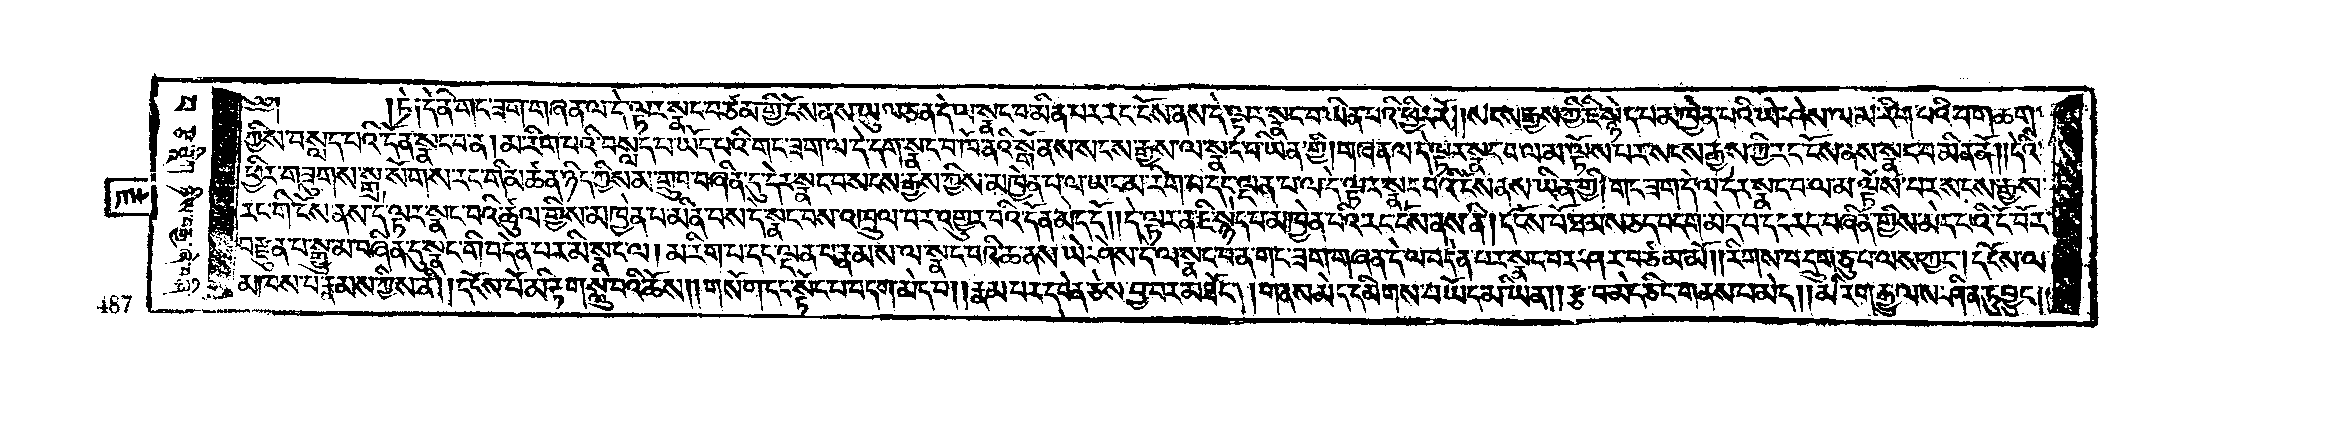༄༅། །ཏེ༑ དེ་ནི་གང་ཟག་གཞན་ལ་དེ་ལྟར་སྣང་བ་ཙམ་གྱི་ངོས་ནས་ཡུལ་ཅན་དེ་ལ་སྣང་བ་མིན་པར་རང་ངོས་ནས་དེ་ལྟར་སྣང་བ་ཡིན་པའི་ཕྱིར་རོ། །སངས་རྒྱས་ཀྱི་ཇི་སྙེད་པ་མཁྱེན་པའི་ཡེ་ཤེས་ལ་མ་རིག་པའི་བག་ཆགས་
ཀྱིས་བསླད་པའི་དོན་སྣང་བ་ན། མ་རིག་པའི་བསླད་པ་ཡིད་པའི་གང་ཟག་ལ་དེ་དག་སྣང་བ་ཁོ་ནའི་སྒོ་ནས་སངས་རྒྱས་ལ་སྣང་བ་ཡིན་གྱི། གཞན་ལ་དེ་ལྟར་སྣང་བ་ལ་མ་ལྟོས་པར་སངས་རྒྱས་ཀྱི་རང་ངོས་ནས་སྣང་བ་མིན་ནོ། །དེའི་
ཕྱིར་གཟུགས་སྒྲ་སོགས་རང་གི་མཚན་ཉིད་ཀྱིས་མ་གྲུབ་བཞིན་དུ་དེར་སྣང་བ་སངས་རྒྱས་ཀྱིས་མཁྱེན་པ་ལ་ཡང་མ་རིག་པ་དང་ལྡན་པ་ལ་དེ་ལྟར་སྣང་བའི་ངོས་ནས་ཡིན་གྱི། གང་ཟག་དེ་ལ་དེར་སྣང་བ་ལ་མ་ལྟོས་པར་སངས་རྒྱས་
རང་གི་ངོས་ནས་དེ་ལྟར་སྣང་བའི་ཚུལ་གྱིས་མཁྱེན་པ་མིན་པས་དེ་སྣང་བས་འཁྲུལ་བར་འགྱུར་བའི་དོན་མེད་དོ། །དེ་ལྟར་ན་ཇི་སྙེད་པ་མཁྱེན་པའི་རང་ངོས་ནས་ནི། དངོས་པོ་ཐམས་ཅད་བདག་མེད་པ་དང་རང་བཞིན་གྱིས་མེད་པའི་ངོ་བོར་
བརྫུན་པ་སྒྱུ་མ་བཞིན་དུ་སྣང་གི་བདེན་པར་མི་སྣང་ལ། མ་རིག་པ་དང་ལྡན་པ་རྣམས་ལ་སྣང་བའི་ཆ་ནས་ཡེ་ཤེས་དེ་ལ་སྣང་བ་ན་གང་ཟག་གཞན་དེ་ལ་བདེན་པར་སྣང་བར་ཤར་བ་ཙམ་མོ། །རིགས་པ་དྲུག་ཅུ་པ་ལས་ཀྱང་། དངོས་ལ་
མཁས་པ་རྣམས་ཀྱིས་ནི། །དངོས་པོ་མི་རྟག་སླུ་བའི་ཆོས། །གསོག་དང་སྟོང་པ་བདག་མེད་པ། །རྣམ་པར་དབེན་ཅེས་བྱ་བར་མཐོང་། །གནས་མེད་དམིགས་པ་ཡོད་མ་ཡིན། །རྩ་བ་མེད་ཅིང་གནས་པ་མེད། །མ་རིག་རྒྱུ་ལས་ཤིན་ཏུ་བྱུང་། །